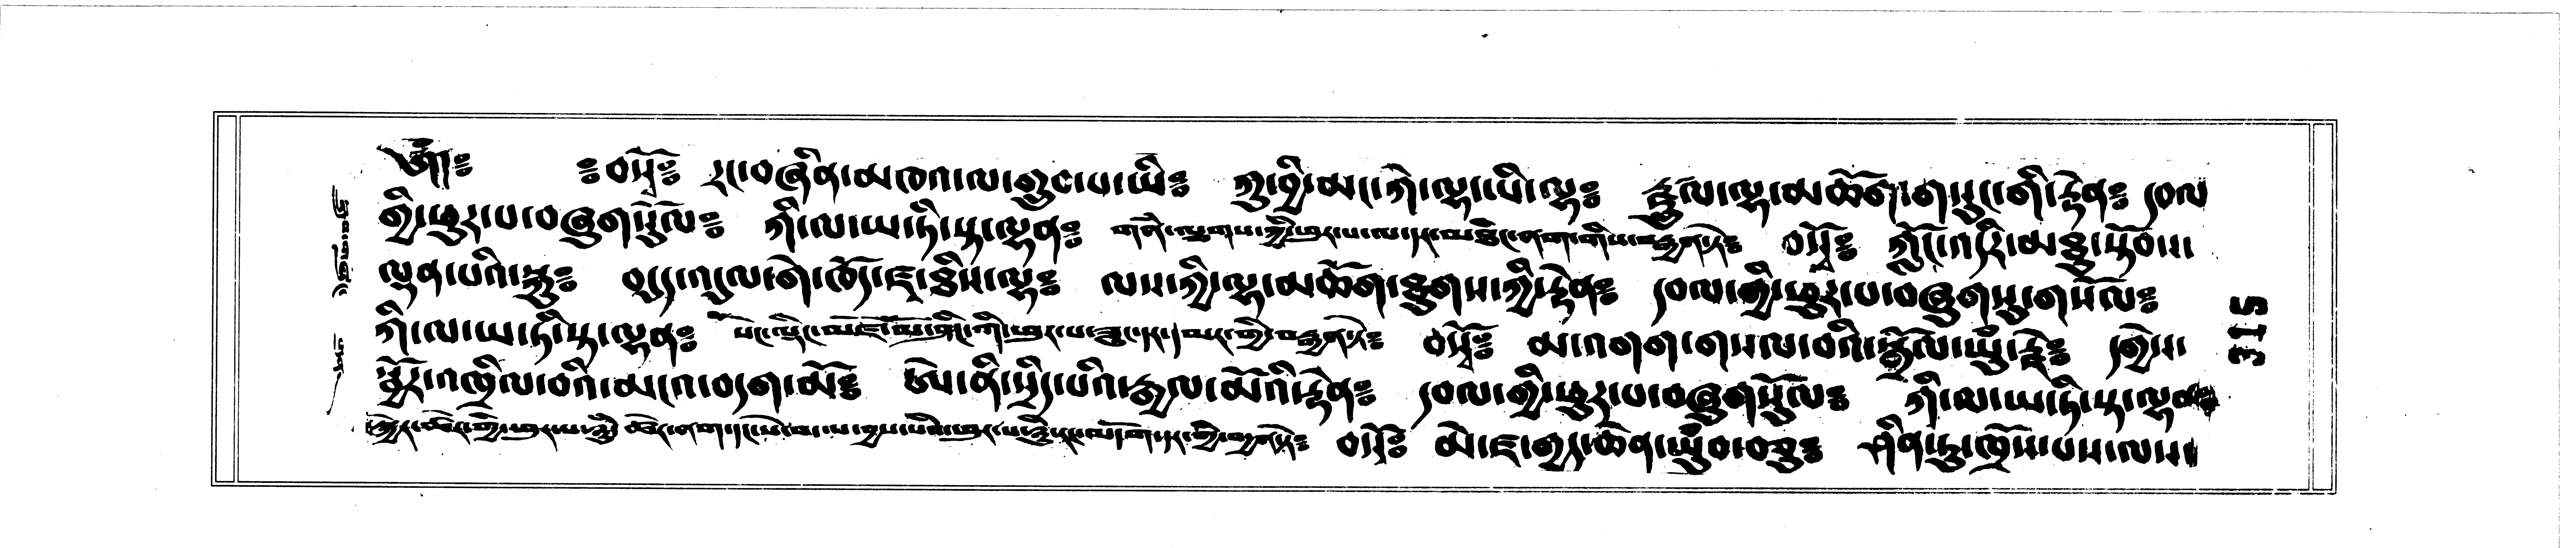༔བསྭོ༔ རང་བཞིན་མཁའ་ལ་གྲུབ་པ་ཡི༔ ཀུ་བྱི་མང་ཀེ་ལྷ་ཡི་ལྷ༔ རྫུ་འཕྲུལ་ལྷ་མཆོག་གསུང་གི་རྟེན༔ དབལ་་
ཕུར་པ་བཞུགས་སུ་གསོལ༔ ཀི་ལ་ཡ་ཏི་སྟ་ལྷན༔ གནམ་ལྕགས་ཀྱི་ཕུར་པ་ལ་དར་མཐིང་ནག་གིས་བརྒྱན་ཏེ༔ བསྭོ༔ ཀློང་འདིར་མཐུ་སྟོབས་
ལྡན་པའི་སྐུ༔ བདུད་འདུལ་གེ་ཁོད་ཛཱ་ཐིས་ལྷ༔ ལས་ཀྱི་ལྷ་མཆོག་ཐུགས་ཀྱི་རྟེན༔ དབལ་གྱི་ཕུར་པ་བཞུགས་སུ་གསོལ༔
 ཀི་ལ་ཡ་ཏི་སྟ་ལྷན༔ སེང་ལྡིང་མཛོ་མོ་ཤིང་གི་ཕུར་པ་ཟུང་དར་དམར་གྱིས་བརྒྱན་ཏེ༔ བསྭོ༔ མ་འགག་གསལ་བའི་སྒྲོལ་ཡུམ་རྗེ༔ དགྱེས་
སྦྱོར་འཁྲིལ་བའི་མངའ་བདག་མོ༔ ཨེ་ནི་སྲིད་པའི་རྒྱལ་མོའི་རྟེན༔ དབལ་གྱི་ཕུར་པ་བཞུགས་སུ་གསོལ༔ ཀི་མ་ཡ་ཏི་སྟ་ལྷན༔ 
སྐྱེར་ཚེར་གྱི་ཕུར་པ་ཉི་ཤུ་ཚེར་ནག་དང་སེ་བ་ལ་བྱས་པའི་ཕུར་པ་ཉི་ཤུ་རང་མདོག་དར་གྱིས་བརྒྱན་ཏེ༔ བསྭོཿ མེ་ཛྭ་གྱད་ཆེན་ཡབ་ཡུམ་བཅུ༔ ཤིན་ཏུ་ཁྲོས་པས་ལས་